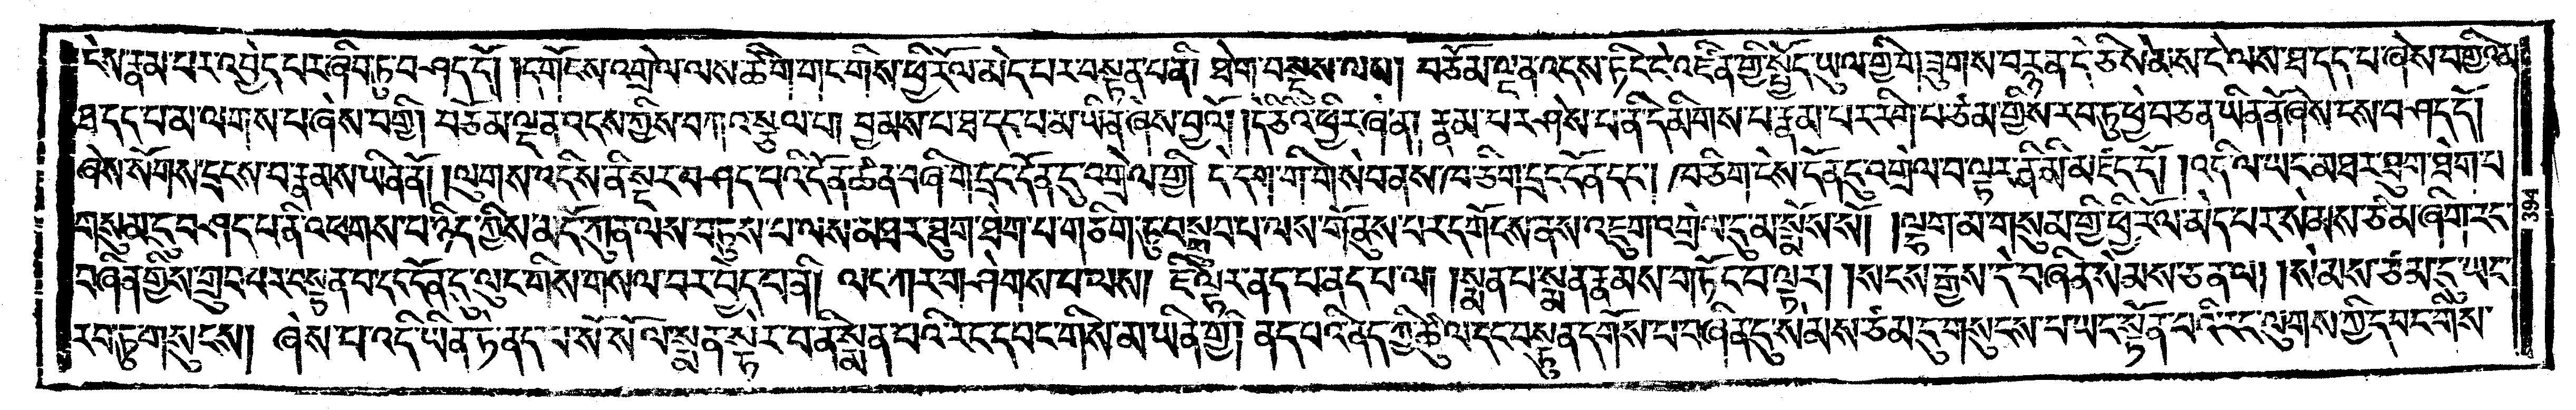ངེས་རྣམ་པར་འབྱེད་པར་ཞིབ་ཏུ་བཤད་དོ། །དགོངས་འགྲེལ་ལས་ཚིག་གང་གིས་ཕྱི་རོལ་མེད་པར་བསྟན་པ་ནི། ཐེག་བསྡུས་ལས། བཅོམ་ལྡན་འདས་ཏིང་ངེ་འཛིན་གྱི་སྤྱོད་ཡུལ་གྱི་གཟུགས་བརྙན་དེ་ཅི་སེམས་དེ་ལས་ཐ་དད་པ་ཞེས་བགྱིའམ་
ཐ་དད་པ་མ་ལགས་པ་ཞེས་བགྱི། བཅོམ་ལྡན་འདས་ཀྱིས་བཀའ་སྩལ་པ། བྱམས་པ་ཐ་དད་པ་མ་ཡིན་ཞེས་བྱའོ། །དེ་ཅིའི་ཕྱིར་ཞེ་ན། རྣམ་པར་ཤེས་པ་ནི་དམིགས་པ་རྣམ་པར་རིག་པ་ཙམ་གྱིས་རབ་ཏུ་ཕྱེ་བ་ཅན་ཡིན་ནོ་ཞེས་ངེས་བཤད་དོ།
ཞེས་སོགས་དྲངས་པ་རྣམས་ཡིན་ནོ། །ལུགས་འདིས་ནི་སྔར་བཤད་པའི་དོན་ཚན་བཞི་ག་དྲང་དོན་དུ་འགྲེལ་གྱི། དེ་དག་གི་གསེབ་ནས་ཁ་ཅིག་དྲང་དོན་དང་། ཁ་ཅིག་ངེས་དོན་དུ་འགྲེལ་བ་ལྟར་ནི་མི་མཛད་དོ། །འདི་ལ་ཡང་མཐར་ཐུག་ཐེག་པ་
གསུམ་དུ་བཤད་པ་ནི་འཕགས་པ་ཉིད་ཀྱིས་མདོ་ཀུན་ལས་བཏུས་པ་ལས་མཐར་ཐུག་ཐེག་པ་གཅིག་ཏུ་སྒྲུབ་པ་ལས་གོ་ནུས་པར་དགོངས་ནས་འཇུག་འགྲེལ་དུ་མ་སྨོས་སོ། །ལྷག་མ་གསུམ་གྱི་ཕྱི་རོལ་མེད་པར་སེམས་ཙམ་ཞིག་རང་
བཞིན་གྱིས་གྲུབ་པར་བསྟན་པ་དྲང་དོན་དུ་ལུང་གིས་གསལ་བར་བྱེད་པ་ནི། ལང་ཀར་གཤེགས་པ་ལས། ཇི་ལྟར་ནད་པ་ནད་པ་ལ། །སྨན་པ་སྨན་རྣམས་གཏོང་བ་ལྟར། །སངས་རྒྱས་དེ་བཞིན་སེམས་ཅན་ལ། །སེམས་ཙམ་དུ་ཡང་
རབ་ཏུ་གསུངས། ཞེས་པ་འདི་ཡིན་ཏེ་ནད་པ་སོ་སོ་ལ་སྨན་སྟེར་བ་ནི་སྨན་པའི་རང་དབང་གིས་མ་ཡིན་གྱི། ནད་པའི་ནད་ཀྱི་ཚུལ་དང་བསྟུན་དགོས་པ་བཞིན་དུ་སེམས་ཙམ་དུ་གསུངས་པ་ཡང་སྟོན་པའི་རང་ལུགས་ཀྱི་དབང་གིས་